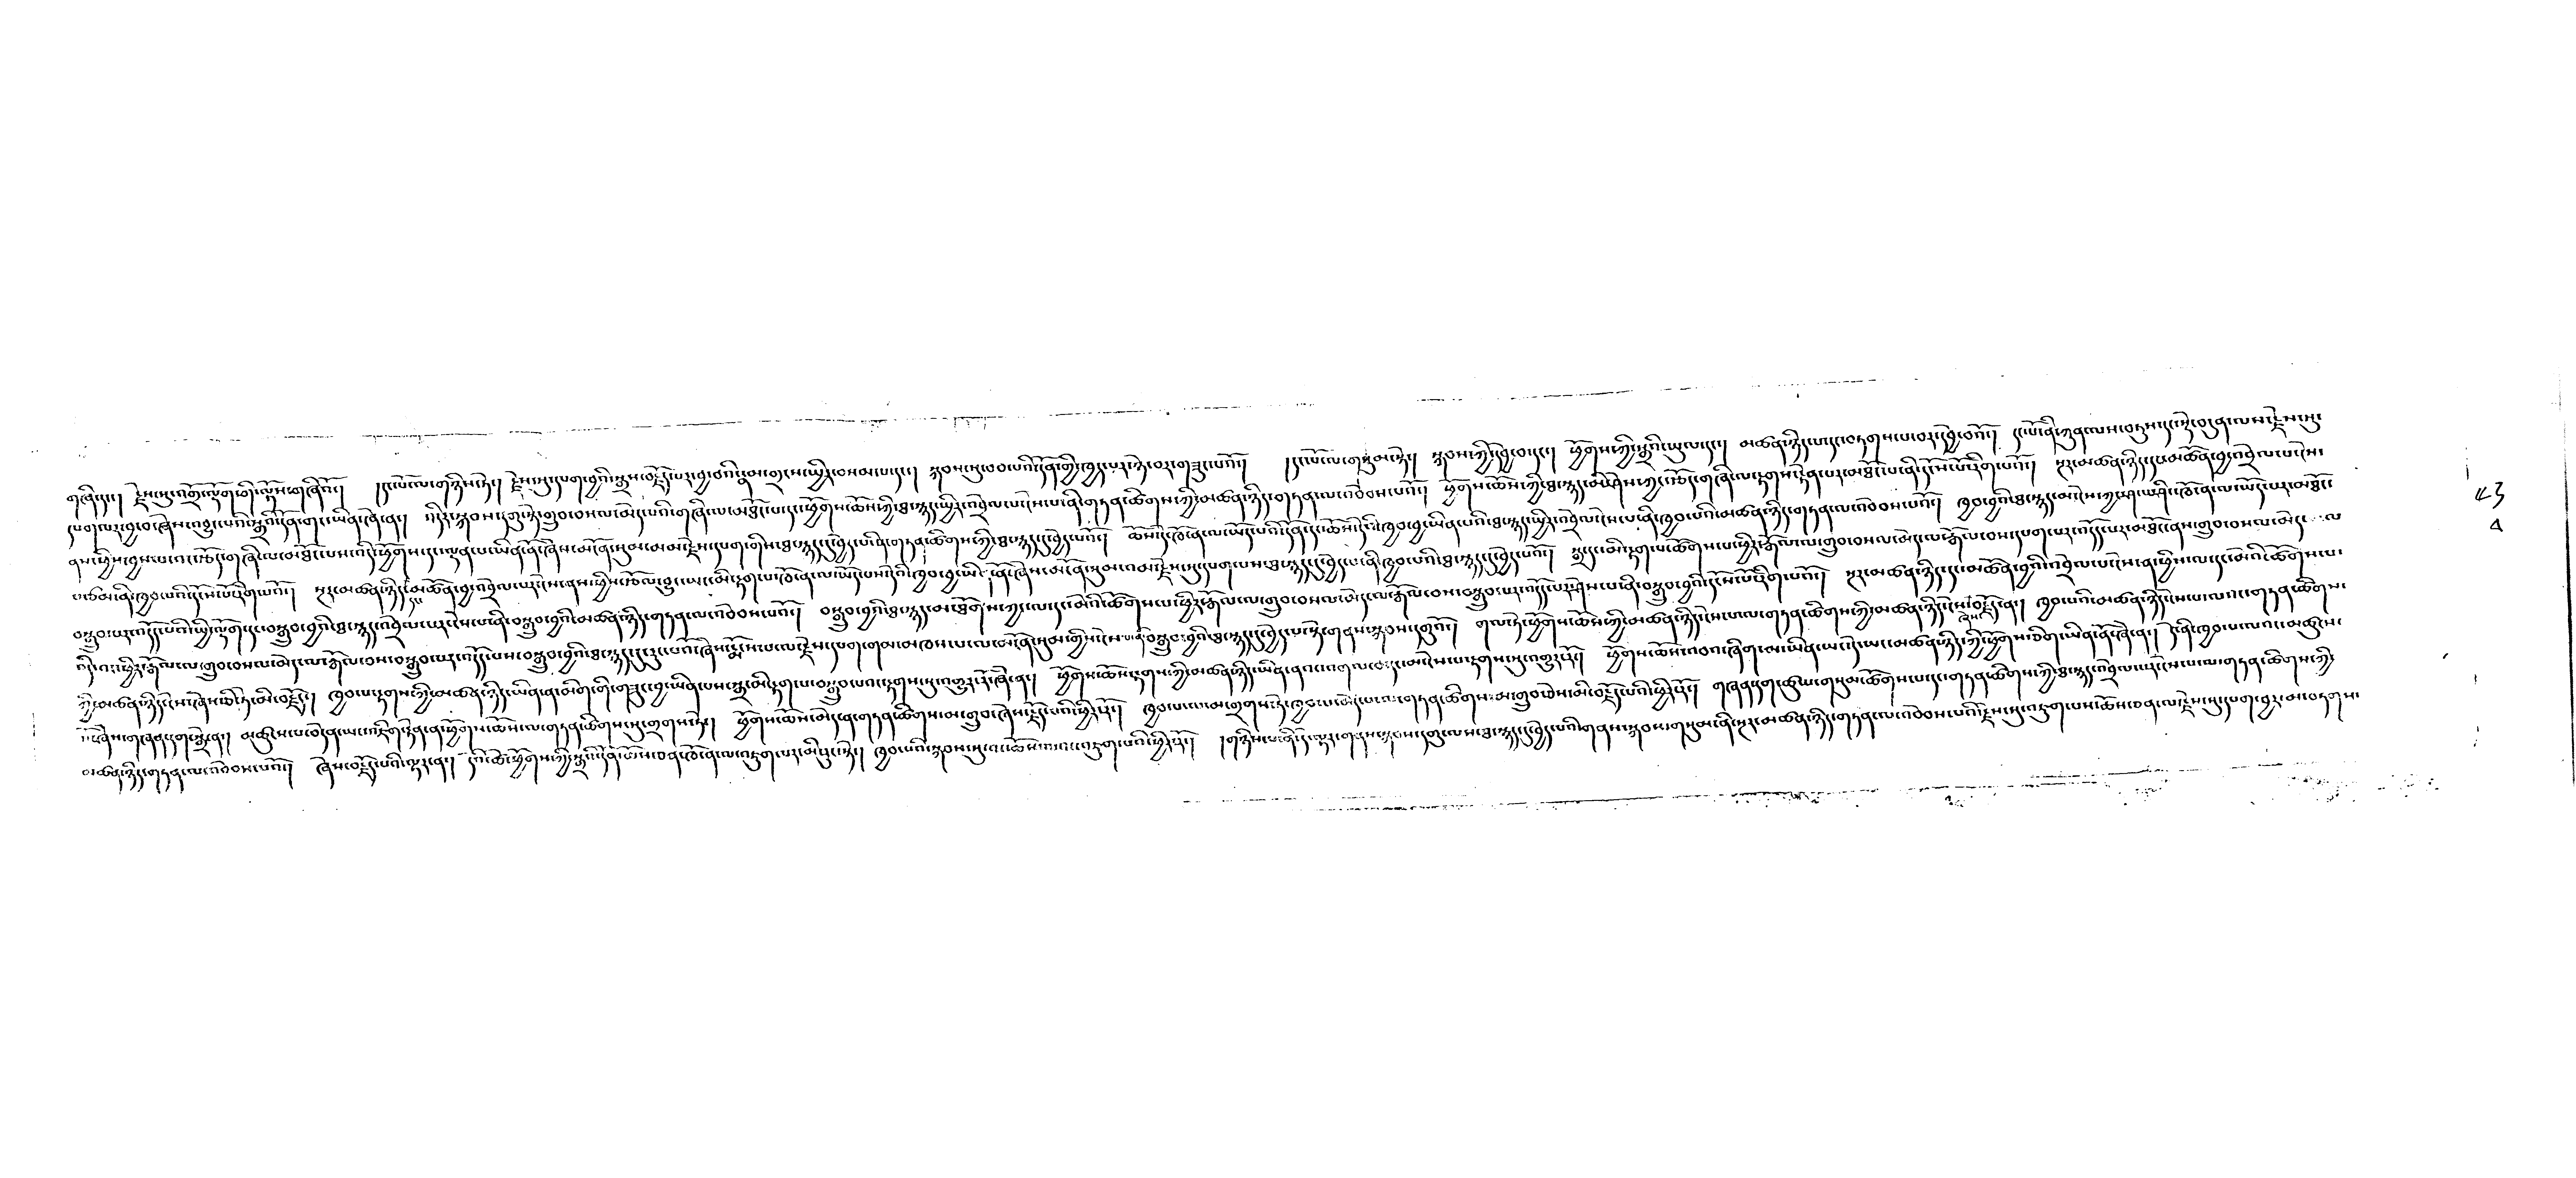གཞི་དང་། རྗེས་སུ་འགྲོ་ལྡོག་གི་ལྟོས་གཞིའོ། །དང་པོ་ལ་གཉིས་ཏེ། རྗེས་སུ་དཔག་བྱའི་སྒྲས་བརྗོད་པར་བྱ་བའི་རྣམ་གྲངས་སྤྱིར་བསམ་པ་དང་། སྐབས་སུ་བབ་པའི་དོན་གྱི་ཁྱད་པར་ཉེ་བར་གཟུང་པའོ། །དང་པོ་ལ་གསུམ་སྟེ། སྐབས་ཀྱི་དབྱེ་བ་དང་། ཕྱོགས་ཀྱིས་སྒྲའི་ཡུལ་དང་། མཚན་ཉིད་པ་དང་བཏགས་པ་བར་དབྱེ་བའོ། དང་པོ་ནི་ཀུན་ལས་བཏུས་དང་སྟེ་བདུན་ལས་རྗེས་སུ་
དཔག་པར་བྱ་བ་ཞེས་འབྱུང་པའི་སྒྲའི་དོན་གང་ཡིན་ཞེ་ན། འདིར་སྐབས་དགུ་སྟེ་གྲུབ་བསལ་མེད་པའི་གཞི་ལ་མཐོང་པ་དང་ཕྱོགས་ཆོས་ཀྱི་ཐ་སྙད་སྤྱིར་འབྲེལ་པ་ངེས་པ་ནི་གཏན་ཚིགས་ཀྱི་མཚན་ཉིད་གཏན་ལ་འབེབས་པའོ། ཕྱོགས་ཆོས་ཀྱི་ཐ་སྙད་མི་ཤེས་ཀྱང་རྩོད་གཞི་ལ་རྟགས་རྟེན་པར་མཐོང་པ་ནི་དངོས་པོ་རིག་པའོ། སྔར་མཚན་ཉིད་དང་མཚོན་བྱ་འབྲེལ་པ་ངེས་
ནས་ཕྱིས་བྱས་པ་འང་རྩོད་གཞི་ལ་མཐོང་པས་འདི་ཕྱོགས་དང་ལྡན་པ་ཡིན་ནོ་ཞེས་མངོན་སུམ་མམ་རྗེས་དཔག་གིས་ཐ་སྙད་དུ་བྱེད་པ་ནི་གཏན་ཚིགས་ཀྱི་ཐ་སྙད་དུ་བྱེད་པའོ། ཆོས་དེ་ཁོ་ན་ལ་ཡོད་པའི་དོན་དང་ཆོས་དེའི་ཁྱབ་བྱ་ཡིན་པའི་ཐ་སྙད་སྤྱིར་འབྲེལ་ངེས་པ་ནི་ཁྱབ་པའི་མཚན་ཉིད་གཏན་ལ་འབེབས་པའོ། ཁྱབ་བྱའི་ཐ་སྙད་མ་ངེས་ཀྱང་ཤ་པ་ཤིང་ཁོ་ན་ལ་ཡོད་པར་མཐོང་
པ་ཙམ་ནི་ཁྱབ་པའི་དངོས་པོ་རིག་པའོ། སྔར་མཚན་ཉིད་དང་མཚོན་བྱ་འབྲེལ་པར་ངེས་ནས་ཕྱིས་རྩོལ་བྱུང་ཡང་མི་རྟག་པ་ཁོ་ན་ལ་ཡོད་པས་དེའི་ཁྱབ་བྱ་ཡིན་ནོ་ཞེས་མངོན་སུམ་འམ་རྗེས་སུ་དཔག་པས་ཐ་སྙད་དུ་བྱེད་པ་ནི་ཁྱབ་པའི་ཐ་སྙད་དུ་བྱེད་པའོ། སྒྲ་དང་མི་རྟག་པ་ཚོགས་པ་ཕྱིར་རྒོལ་ལ་གྲུབ་བསལ་མེད་ལ་རྒོལ་བས་དཔག་པར་འདོད་པར་མཐོང་ནས་གྲུབ་བསལ་མེད་ལ་
བསྒྲུབ་པར་འདོད་པའི་སྤྱི་ལྡོག་དང་བསྒྲུབ་བྱའི་ཐ་སྙད་འབྲེལ་པར་ངེས་པ་ནི་བསྒྲུབ་བྱའི་མཚན་ཉིད་གཏན་ལ་འབེབས་པའོ། བསྒྲུབ་བྱའི་ཐ་སྙད་མ་ཐོགས་ཀྱང་ལ་དང་མེའི་ཚོགས་པ་ཕྱིར་རྒོལ་ལ་གྲུབ་བསལ་མེད་ལ་རྒོལ་བས་བསྒྲུབ་པར་འདོད་པར་ཤེས་པ་ནི་བསྒྲུབ་བྱའི་དངོས་པོ་རིག་པའོ། སྔར་མཚན་ཉིད་དང་མཚོན་བྱའི་འབྲེལ་པ་ངེས་ན་ཕྱིས་ལ་དང་མེའི་ཚོགས་པ་
འདི་འང་ཕྱིར་རྒོལ་ལ་གྲུབ་བསལ་མེད་ལ་རྒོལ་བས་བསྒྲུབ་པར་འདོད་པས་བསྒྲུབ་བྱའི་ཐ་སྙད་དུ་རུང་པའོ་ཞེས་རྨོངས་པ་ལ་རྗེས་དཔག་གམ་མཁས་པ་ལ་མངོན་སུམ་གྱིས་ངེས་པ་ནི་བསྒྲུབ་བྱའི་ཐ་སྙད་དུ་བྱེད་པ་སྟེ་གནས་སྐབས་དགུའོ། གལ་ཏེ་ཕྱོགས་ཆོས་ཀྱི་མཚན་ཉིད་ངེས་པ་ལ་གཏན་ཚིགས་ཀྱི་མཚན་ཉིད་ངེས་ཞེས་བརྗོད་ན། ཁྱབ་པའི་མཚན་ཉིད་ངེས་པ་ལའང་གཏན་ཚིགས་
ཀྱི་མཚན་ཉིད་ངེས་ཞེས་ཅི་ཏེ་མི་བརྗོད། ཁྱབ་པ་རྟགས་ཀྱི་མཚན་ཉིད་ཡིན་ན་མིག་གི་གཟུང་བྱ་ཡིན་པས་སྒྲ་མི་རྟག་པ་བསྒྲུབ་པའང་རྟགས་སུ་འགྱུར་རོ་ཞེ་ན། ཕྱོགས་ཆོས་རྟགས་ཀྱི་མཚན་ཉིད་ཡིན་ནའང་འགལ་བ་དང་མ་ངེས་པ་རྟགས་སུ་འགྱུར་རོ། ཕྱོགས་ཆོས་འབའ་ཞིག་མ་ཡིན་ཡང་དེ་ཡང་མཚན་ཉིད་ཀྱི་ཕྱོགས་ཅིག་ཡིན་ནོ་ཞེ་ན། དེ་ནི་ཁྱབ་པ་ལའང་མཚུངས་
སོ་ཞེས་གཞན་དག་སྒྲེ་ན། མཚུངས་པ་བདེན་ཡང་འཇིག་རྟེན་ན་ཕྱོགས་ཆོས་ལ་གཏན་ཚིགས་སུ་གྲགས་ཏེ། ཕྱོགས་ཆོས་མེད་ན་གཏན་ཚིགས་མ་གྲུབ་ཞེས་རྗོད་པའི་ཕྱིར་རོ། ཁྱབ་པ་ལ་མ་གྲགས་ཏེ་ཁྱབ་པ་མེད་པ་ལ་གཏན་ཚིགས་མ་གྲུབ་ཅེས་མི་བརྗོད་པའི་ཕྱིར་རོ། གཞན་དག་ཚུལ་གསུམ་ཚོགས་པ་དང་གཏན་ཚིགས་ཀྱི་ཐ་སྙད་འབྲེལ་པ་རང་ངེས་པ་མ་གཏན་ཚིགས་ཀྱི་
མཚན་ཉིད་གཏན་ལ་འབེབས་པའོ། ཞེས་བརྗོད་པའི་ལྟར་ན། དེའི་ཚེ་ཕྱོགས་ཀྱི་སྒྲའི་དོན་ཆོས་ཅན་ཁོ་ན་ལ་འཇུག་པར་མི་རུང་སྟེ། ཁྱབ་པའི་སྐབས་སུ་འང་ཆོས་ལའང་འཇུག་པའི་ཕྱིར་རོ། །གཉིས་པ་ནི་དེ་ལྟར་གནས་སྐབས་དགུ་ལས་ཐ་སྙད་དུ་བྱེད་པའི་གནས་སྐབས་གསུམ་ནི་སྔར་མཚན་ཉིད་གཏན་ལ་འབེབས་པའི་རྗེས་སུ་འཇུག་པས་ཆོས་ཅན་ལ་རྗེས་སུ་དཔག་བྱར་མ་བཏགས་